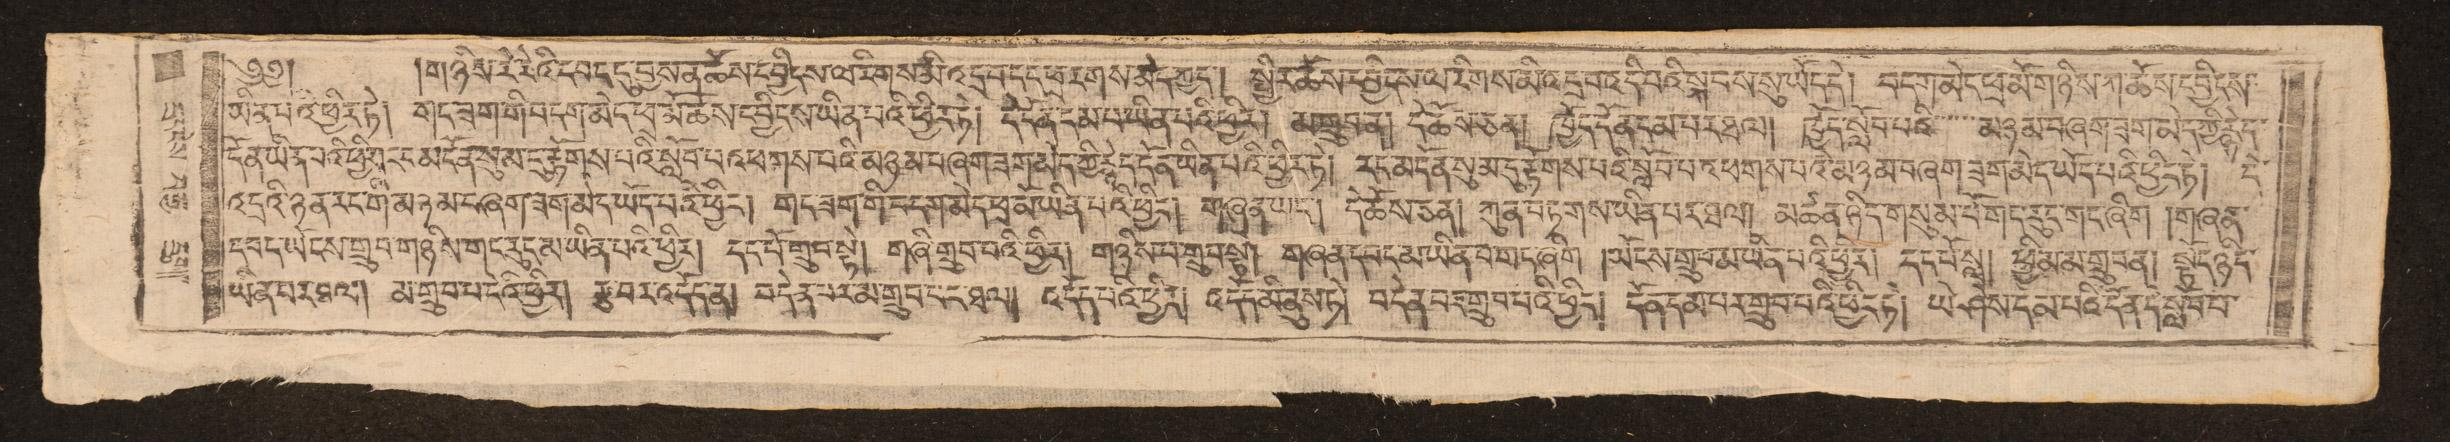༄༅། །གཉིས་རེ་རེའི་དབང་དུ་བྱས་ན་ཆོས་དབྱིངས་ལ་རིགས་མི་འདྲ་བ་དང་ཕྲ་རགས་མེད་ཀྱང་། སྤྱིར་ཆོས་དབྱིངས་ལ་རིགས་མི་འདྲ་བ་འདི་པའི་སྐབས་སུ་ཡོད་དེ། བདག་མེད་ཕྲ་མོ་གཉིས་ཀ་ཆོས་དབྱིངས་
ཡིན་པའི་ཕྱིར་ཏེ། གང་ཟག་གི་བདག་མེད་ཕྲ་མོ་ཆོས་དབྱིངས་ཡིན་པའི་ཕྱིར་ཏེ། དེ་དོན་དམ་པ་ཡིན་པའི་ཕྱིར། མ་གྲུབ་ན། དེ་ཆོས་ཅན། ཁྱོད་དོན་དམ་པར་ཐལ། ཁྱོད་སློབ་པའི་མཉམ་བཞག་ཟག་མེད་ཀྱི་རྙེད་
དོན་ཡིན་པའི་ཕྱིར། རང་མངོན་སུམ་དུ་རྟོགས་པའི་སློབ་པ་འཕགས་པའི་མཉམ་བཞག་ཟག་མེད་ཀྱི་རྙེད་དོན་ཡིན་པའི་ཕྱིར་ཏེ། རང་མངོན་སུམ་དུ་རྟོགས་པའི་སློབ་པ་འཕགས་པའི་མཉམ་བཞག་ཟག་མེད་ཡོད་པའི་ཕྱིར་ཏེ། དེ་
འདྲའི་ཉན་རང་གི་མཉམ་བཞག་ཟག་མེད་ཡོད་པའི་ཕྱིར། གང་ཟག་གི་བདག་མེད་ཕྲ་མོ་ཡིན་པའི་ཕྱིར། གཞན་ཡང་། དེ་ཆོས་ཅན། ཀུན་བཏགས་ཡིན་པར་ཐལ། མཚན་ཉིད་གསུམ་པོ་གང་རུང་གང་ཞིག །གཞན་
དབང་ཡོངས་གྲུབ་གཉིས་གང་རུང་མ་ཡིན་པའི་ཕྱིར། དང་པོ་གྲུབ་སྟེ། གཞི་གྲུབ་པའི་ཕྱིར། གཉིས་པ་གྲུབ་སྟེ། གཞན་དབང་མ་ཡིན་པ་གང་ཞིག །ཡོངས་གྲུབ་མ་ཡིན་པའི་ཕྱིར། དང་པོ་སླ། ཕྱི་མ་མ་གྲུབ་ན། སྟོང་ཉིད་
ཡིན་པར་ཐལ། མ་གྲུབ་པ་དེའི་ཕྱིར། རྩ་བར་འདོད་ན། བདེན་པར་མ་གྲུབ་པར་ཐལ། འདོད་པའི་ཕྱིར། འདོད་མི་ནུས་ཏེ། བདེན་པར་གྲུབ་པའི་ཕྱིར། དོན་དམ་པར་གྲུབ་པའི་ཕྱིར་ཏེ། ཡེ་ཤེས་དམ་པའི་དོན་དེ་སློབ་པ་